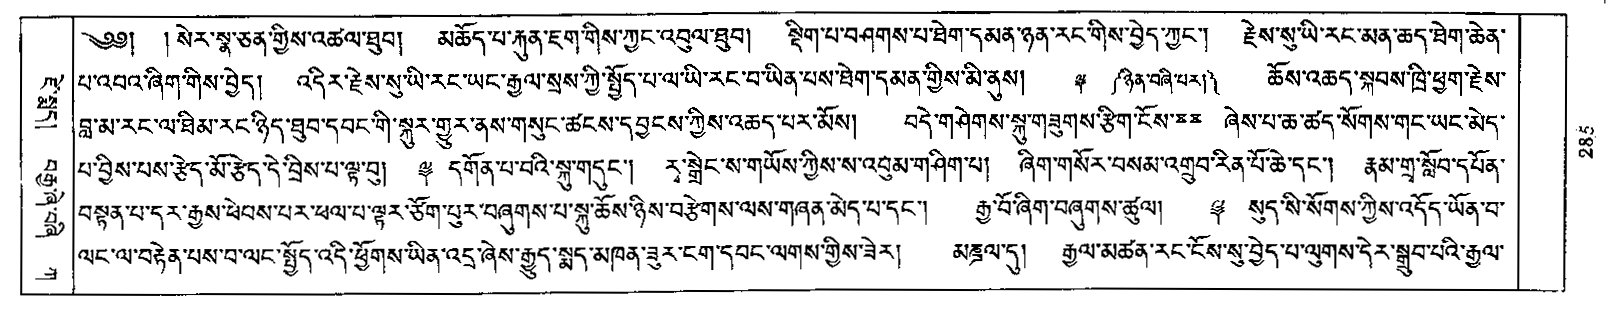༄༅། །སེར་སྣ་ཅན་གྱིས་འཚལ་ཐུབ། མཆོད་པ་རྐུན་ཇག་གིས་ཀྱང་འབུལ་ཐུབ། སྡིག་པ་བཤགས་པ་ཐེག་དམན་ཉན་རང་གིས་བྱེད་ཀྱང་། རྗེས་སུ་ཡི་རང་མན་ཆད་ཐེག་ཆེན་
པ་འབའ་ཞིག་གིས་བྱེད། འདིར་རྗེས་སུ་ཡི་རང་ཡང་རྒྱལ་སྲས་ཀྱི་སྤྱོད་པ་ལ་ཡི་རང་བ་ཡིན་པས་ཐེག་དམན་གྱིས་མི་ནུས། ༈ ཉིན་བཞི་པར།?་ཆོས་འཆད་སྐབས་ཁྲི་ཕྱག་རྗེས་
བླ་མ་རང་ལ་ཐིམ་རང་ཉིད་ཐུབ་དབང་གི་སྐུར་གྱུར་ནས་གསུང་ཚངས་དབྱངས་ཀྱིས་འཆད་པར་མོས། བདེ་གཤེགས་སྐུ་གཟུགས་རྩིག་ངོས་྾྾་ཞེས་པ་ཆ་ཚད་སོགས་གང་ཡང་མེད་
པ་བྱིས་པས་རྩེད་མོ་རྩེད་དེ་བྲིས་པ་ལྟ་བུ། ༈ དགོན་པ་བའི་སྐུ་གདུང་། རྭ་སྒྲེང་ས་གཡོས་ཀྱིས་ས་འབུམ་གཤིག་པ། ཞིག་གསོར་བསམ་འགྲུབ་རིན་པོ་ཆེ་དང་། རྣམ་གྲྭ་སློབ་དཔོན་
བསྟན་པ་དར་རྒྱས་ཕེབས་པར་ཕལ་པ་ལྟར་ཙོག་པུར་བཞུགས་པ་སྐུ་ཆོས་ཉིས་བརྩེགས་ལས་གཞན་མེད་པ་དང་། རྒྱ་བོ་ཞིག་བཞུགས་ཚུལ། ༈ སུད་སི་སོགས་ཀྱིས་འདོད་ཡོན་བ་
ལང་ལ་བརྟེན་པས་བ་ལང་སྤྱོད་འདི་ཕྱོགས་ཡིན་འདྲ་ཞེས་རྒྱུད་སྨད་མཁན་ཟུར་ངག་དབང་ལགས་གྱིས་ཟེར། མཎྜལ་དུ། རྒྱལ་མཚན་རང་ངོས་སུ་བྱེད་པ་ལུགས་དེར་སྒྲུབ་པའི་རྒྱལ་